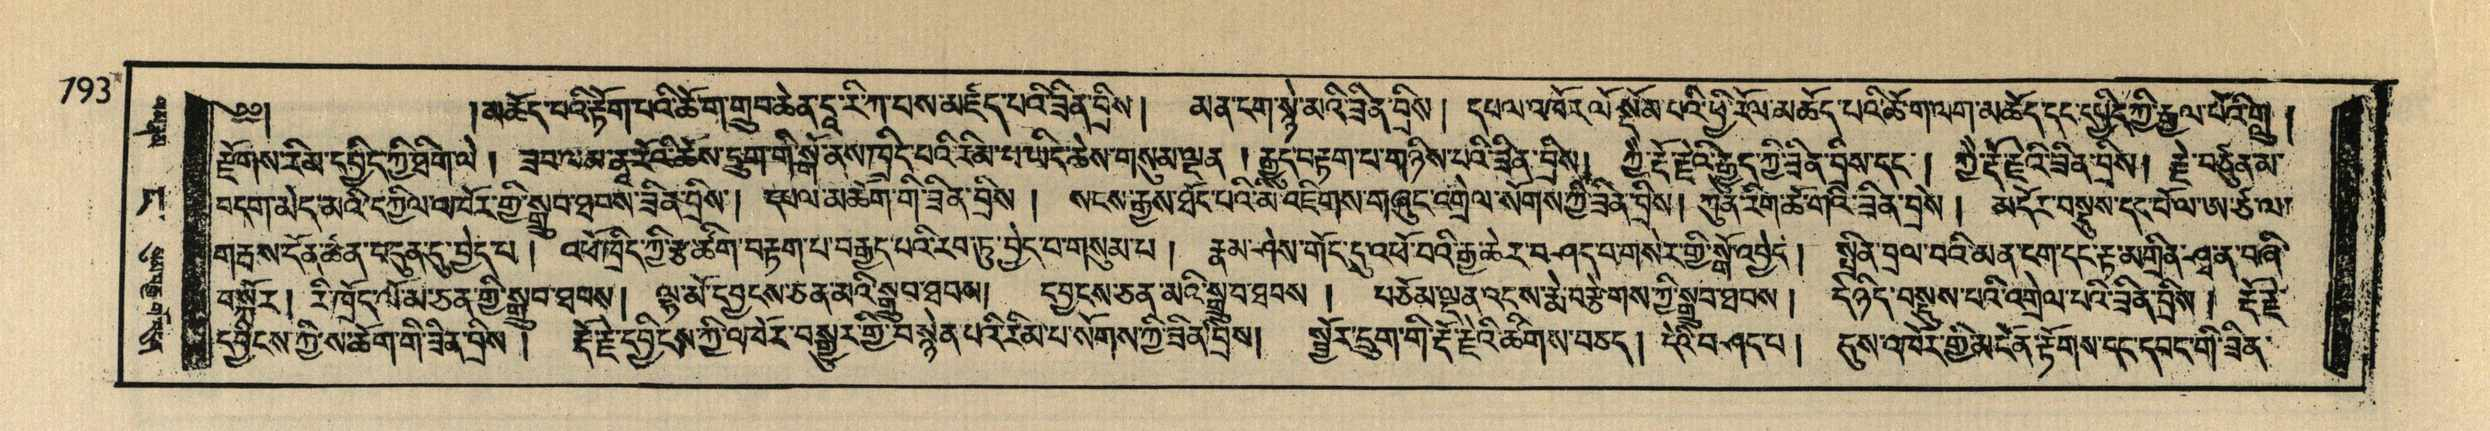༄༅། །མཆོད་པའི་རྟོག་པའི་ཆོ་ག་གྲུབ་ཆེན་དཱ་རི་ཀ་པས་མཛད་པའི་ཟིན་བྲིས། མན་ངག་སྙེ་མའི་ཟིན་བྲིས། དཔལ་འཁོར་ལོ་སྡོམ་པའི་ཕྱི་རོལ་མཆོད་པའི་ཆོ་ག་ལག་མཆོད་དང་དཔྱིད་ཀྱི་རྒྱལ་པོའི་གླུ།
རྫོགས་རིམ་དབྱིད་ཀྱི་ཐིག་ལེ། ཟབ་ལམ་ནཱ་རོའི་ཆོས་དྲུག་གྱི་སྒོ་ནས་ཁྲིད་པའི་རིམ་པ་ཡིད་ཆེས་གསུམ་ལྡན་།རྒྱུད་བརྟག་པ་གཉིས་པའི་ཟིན་བྲིས། ཀྱཻ་རྡོ་རྗེའི་རྒྱུད་ཀྱི་ཟིན་བྲིས་དང་། ཀྱཻ་རྡོ་རྗེའི་ཟིན་བྲིས། རྗེ་བརྩུན་མ་
བདག་མེད་མའི་དཀྱིལ་འཁོར་གྱི་སྒྲུབ་ཐབས་ཟིན་བྲིས། དཔལ་མཆོག་གི་ཟིན་བྲིས། སངས་རྒྱས་ཐོང་པའི་མི་འཇིགས་གཞུང་འགྲེལ་སོགས་ཀྱི་ཟིན་བྲིས། ཀུན་རིག་ཆོ་གའི་ཟིན་བྲིས། མདོར་བསྡུས་དང་པོ་ལ་ཨ་ཙ་ལ་
གརྦས་དོན་ཚན་བདུན་དུ་བྱེད་པ། འཕོ་ཁྲིད་ཀྱི་རྩ་ཚིག་བརྟག་པ་བརྒྱད་པའི་རབ་ཏུ་བྱེད་པ་གསུམ་པ། རྣམ་ཤེས་གོང་དུ་འཕོ་བའི་རྒྱ་ཆེར་བཤད་པ་གསེར་གྱི་སྒོ་འབྱེད། སྤྲིན་བྲལ་བའི་མན་ངག་དང་རྟ་མགྲིན་ཤྭ་ན་བཞི་
བསྐོར། རི་ཁྲོད་ལོ་མ་ཅན་གྱི་སྒྲུབ་ཐབས། ལྷ་མོ་དབྱངས་ཅན་མའི་སྒྲུབ་ཐབས། དབྱངས་ཅན་མའི་སྒྲུབ་ཐབས། བཅོམ་ལྡན་འདས་རྨེ་བརྩེགས་ཀྱི་སྒྲུབ་ཐབས། དེ་ཉིད་བསྡུས་པའི་འགྲེལ་པའི་ཟིན་བྲིས། རྡོ་རྗེ་
དབྱིངས་ཀྱི་ས་ཆོག་གི་ཟིན་བྲིས། རྡོ་རྗེ་དབྱིངས་ཀྱི་འཁོར་བསྒྱུར་གྱི་བསྙེན་པའི་རིམ་པ་སོགས་ཀྱི་ཟིན་བྲིས། སྦྱོར་དྲུག་གི་རྡོ་རྗེའི་ཚིགས་བཅད། དེའི་བཤད་པ། དུས་འཁོར་གྱི་མངོན་རྟོགས་དང་དབང་གི་ཟིན་